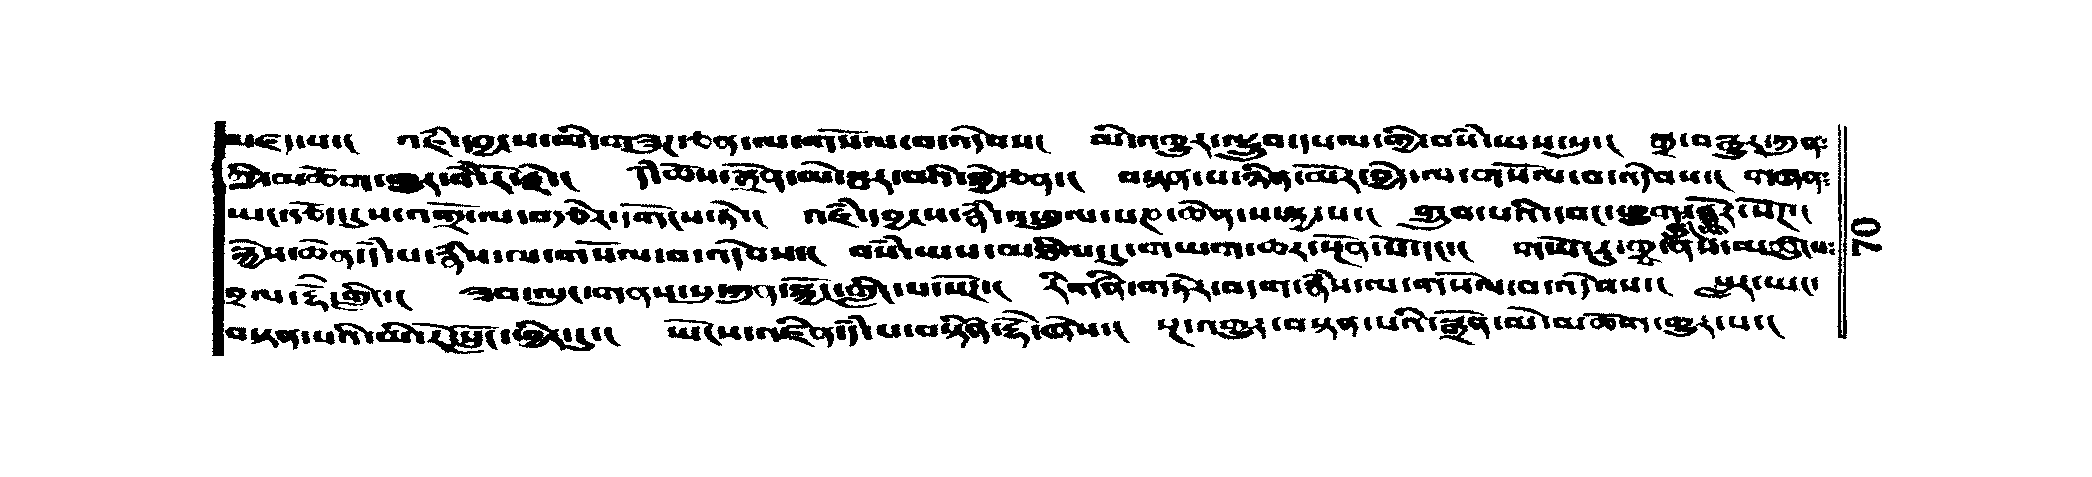མཛད་པ། །འཇམ་དབྱངས་མི་གཟུགས་ཅན་ལ་གསོལ་བ་འདེབས། །མི་འགྱུར་ལྷུན་གྲུབ་དཔལ་གྱི་བསམ་ཡས་སུ། །སྒྲ་བསྒྱུར་ཀུན་
གྱི་མཆོག་གྱུར་བཻ་རོ་རྗེ། །དམ་ཆོས་སྒྲོན་མེ་སྦར་བའི་ཐུགས་རྗེ་ཅན། །།བསྟན་པ་ཉིན་མོར་བྱེད་ལ་གསོལ་བ་འདེབས། །གཞན་
ཡང་རྩོད་དུས་འགྲོ་ལ་བརྩེར་དགོངས་ཏེ། །འཇམ་དབྱངས་རྣམ་འཕྲུལ་པཎ་ཆེན་ས་སྐྱ་པ། །གྲུབ་པའི་དབང་ཕྱུག་ཁྱུང་པོ་རྣལ་འབྱོར་སོགས། །
སྐྱེས་ཆེན་དམ་པ་རྣམས་ལ་གསོལ་བ་འདེབས། །བསམ་ཡས་མཐིལ་དུ་གཡག་ཆར་སྔོན་པོ་དང་། །གཡོ་རུ་གྲྭ་ནས་མཚུངས་
བྲལ་རྡོ་རྗེ་གླིང་། །ཟབ་ལུང་གནས་སུ་ཀུན་སྐྱོང་གླིང་པ་སོགས། །རིག་འཛིན་གཏེར་བདག་རྣམས་ལ་གསོལ་བ་འདེབས། །སླར་ཡང་
བསྟན་པའི་མེ་རོ་སློང་ཕྱིར་དུ། །ཡོངས་འཛིན་དམ་པ་བསྟན་འཛིན་རྡོ་རྗེ་ཞེས། །སྔ་འགྱུར་བསྟན་པའི་སྒྲོན་མེ་མཆོག་གྱུར་པ།